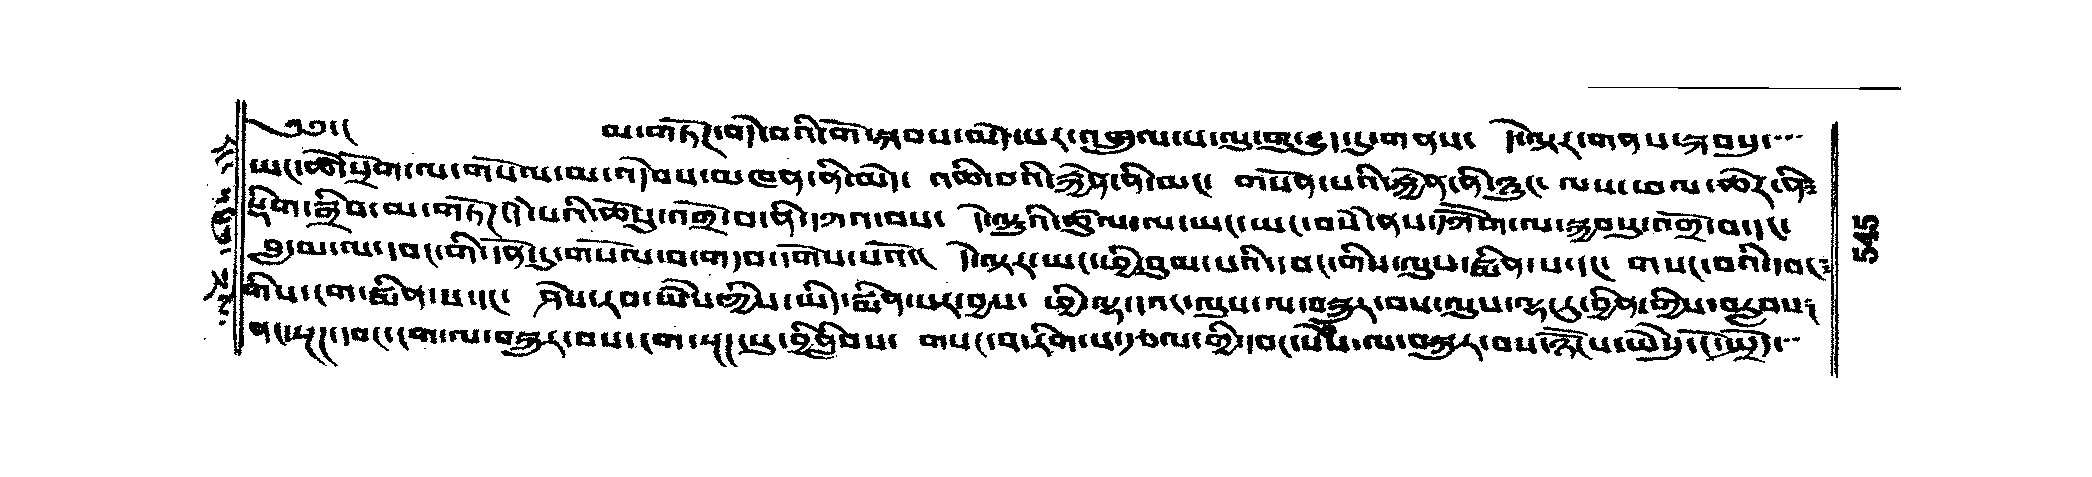མ་གཏོགས་བདེ་བའི་གོ་སྐབས་མེད་པར་འཁྲུལ་བ་ལུ་གུ་རྒྱུད་དུ་གནས། དེ་ལྟར་གནས་སྐབས་སུ་
ཡང་ཚེ་སྲོག་ལ་བཤོལ་མ་འདེབས་མཁན་ནི་མེད། འཆི་བའི་རྐྱེན་ནི་མང་། གསོན་པའི་རྐྱེན་ནི་ཉུང་། ལས་ཕལ་ཆེར་ནི་
སྡིག་སྒྲིབ་མ་གཏོགས་དམ་པའི་ཆོས་སུ་འགྲོ་བ་ནི་དཀའ་བས། དེ་ལྟ་བུའི་ཚུལ་ལ་ཡང་བསམ་ནས་དཀོན་མཆོག་ལ་སྐྱབས་སུ་འགྲོ་བ་དང་། 
བླ་མ་ལ་དབང་གི་དོན་དུ་གསོལ་བ་འདེབས་དགོས་སོ། དེ་ལྟར་ཡང་ཕྱི་བུམ་པའི་དབང་གིས་ལུས་སྨིན་པ་དང་། གསང་བའི་དབང་
གིས་ངག་སྨིན་པ་དང་། ཤེས་རབ་ཡེ་ཤེས་ཀྱིས་ཡིད་སྨིན་པར་བྱས། ཕྱི་ལྷ་དབང་ལུས་ལ་བསྐུར་བས་ལུས་ལྷ་རུ་བྱིན་གྱིས་བརླབས། 
ནང་སྔགས་དབང་ངག་ལ་བསྐུར་བས་ངག་སྔགས་སུ་བྱིན་གྱིས་རླབས། གསང་བ་རིག་པ་རྩལ་གྱི་དབང་སེམས་ལ་བསྐུར་བས་ཉོན་མོངས་ཡེ་ཤེས་སུ་ངོ་སྤྲོད་